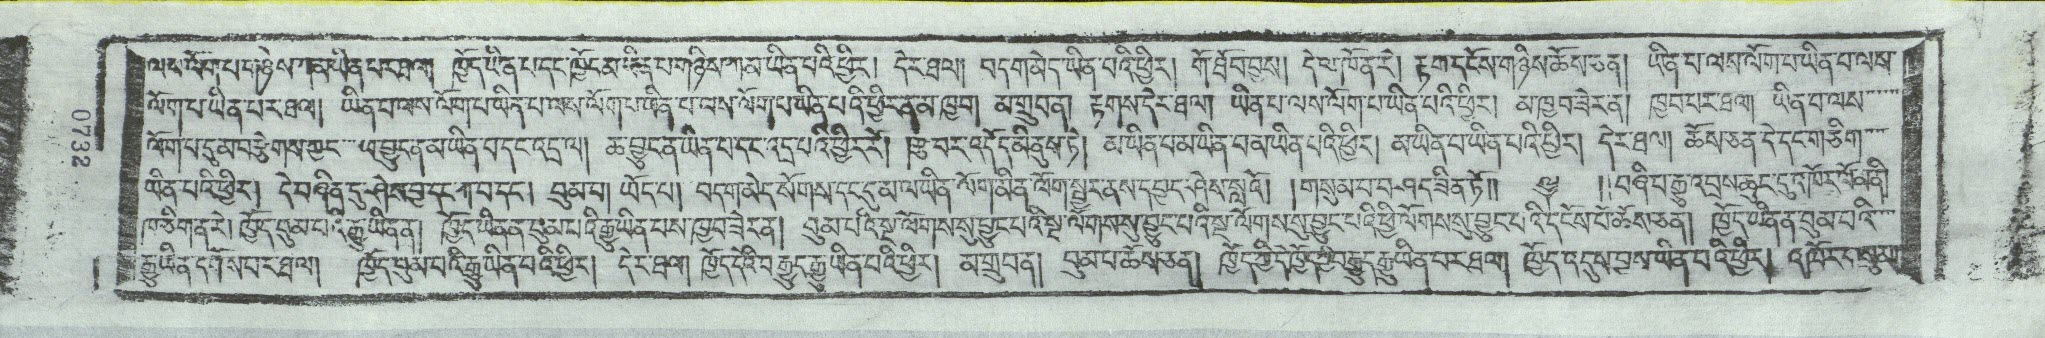ལས་ལོག་པ་གཉིས་ཀ་མ་ཡིན་པར་ཐལ། ཁྱོད་ཡིན་པ་དང་ཁྱོད་མ་ཡིན་པ་གཉིས་ཀ་མ་ཡིན་པའི་ཕྱིར། དེར་ཐལ། བདག་མེད་ཡིན་པའི་ཕྱིར། གོ་ཐོབ་བྱས། དེ་ལ་ཁོ་ན་རེ། རྟག་དངོས་གཉིས་ཆོས་ཅན། ཡིན་པ་ལས་ལོག་པ་ཡིན་པ་ལས་
ལོག་པ་ཡིན་པར་ཐལ། ཡིན་པ་ལས་ལོག་པ་ཡིན་པ་ལས་ལོག་པ་ཡིན་པ་པས་ལོག་པ་ཡིན་པའི་ཕྱིར་ན་མ་ཁྱབ། མ་གྲུབ་ན། རྟགས་དེར་ཐལ། ཡིན་པ་ལས་ལོག་པ་ཡིན་པའི་ཕྱིར། མ་ཁྱབ་ཟེར་ན། ཁྱབ་པར་ཐལ། ཡིན་པ་ལས་
ལོག་པ་དུ་མ་བརྩེགས་ཀྱང་ལ་བྱུང་ན་མ་ཡིན་པ་དང་འདྲ་ལ། ཆ་བྱུང་ན་ཡིན་པ་དང་འདྲ་བའི་ཕྱིར་རོ། །རྩ་བར་འདོད་མི་ནུས་ཏེ། མ་ཡིན་པ་མ་ཡིན་པ་མ་ཡིན་པའི་ཕྱིར། མ་ཡིན་པ་ཡིན་པའི་ཕྱིར། དེར་ཐལ། ཆོས་ཅན་དེ་དང་གཅིག་
ཡིན་པའི་ཕྱིར། དེ་བཞིན་དུ་ཤེས་བྱ་དང་ཀ་བ་དང་། བུམ་པ། ཡོད་པ། བདག་མེད་སོགས་དང་དུ་མ་ལ་ཡིན་ལོག་མིན་ལོག་སྦྱར་ནས་དཔྱད་ཤེས་སླའོ། །གསུམ་པ་བཤད་ཟིན་ཏོ།། ༈ །།བཞི་པ་རྒྱུ་འབྲས་ཆུང་འཁོར་ལོ་མ་ནི།
ཁ་ཅིག་ན་རེ། ཁྱོད་བུམ་པའི་རྒྱུ་ཡིན་ན། ཁྱོད་ཡིན་ན་བུམ་པའི་རྒྱུ་ཡིན་པས་ཁྱབ་ཟེར་ན། བུམ་པའི་སྔ་ལོགས་སུ་བྱུང་པའི་སྔ་ལོགས་སུ་བྱུང་བའི་སྔ་ལོགས་སུ་བྱུང་པའི་ཕྱི་ལོགས་སུ་བྱུང་པའི་དངོས་པོ་ཆོས་ཅན། ཁྱོད་ཡིན་ན་བུམ་པའི་
རྒྱུ་ཡིན་དགོས་པར་ཐལ། ཁྱོད་བུམ་པའི་རྒྱུ་ཡིན་པའི་ཕྱིར། དེར་ཐལ། ཁྱོད་དེའི་བརྒྱུད་རྒྱུ་ཡིན་བའི་ཕྱིར། མ་གྲུབ་ན། བུམ་པ་ཆོས་ཅན། ཁྱོད་ཀྱི་དེ་ཁྱོད་ཀྱི་བརྒྱུད་རྒྱུ་ཡིན་པར་ཐལ། ཁྱོད་འདུས་བྱས་ཡིན་པའི་ཕྱིར། འཁོར་གསུམ།